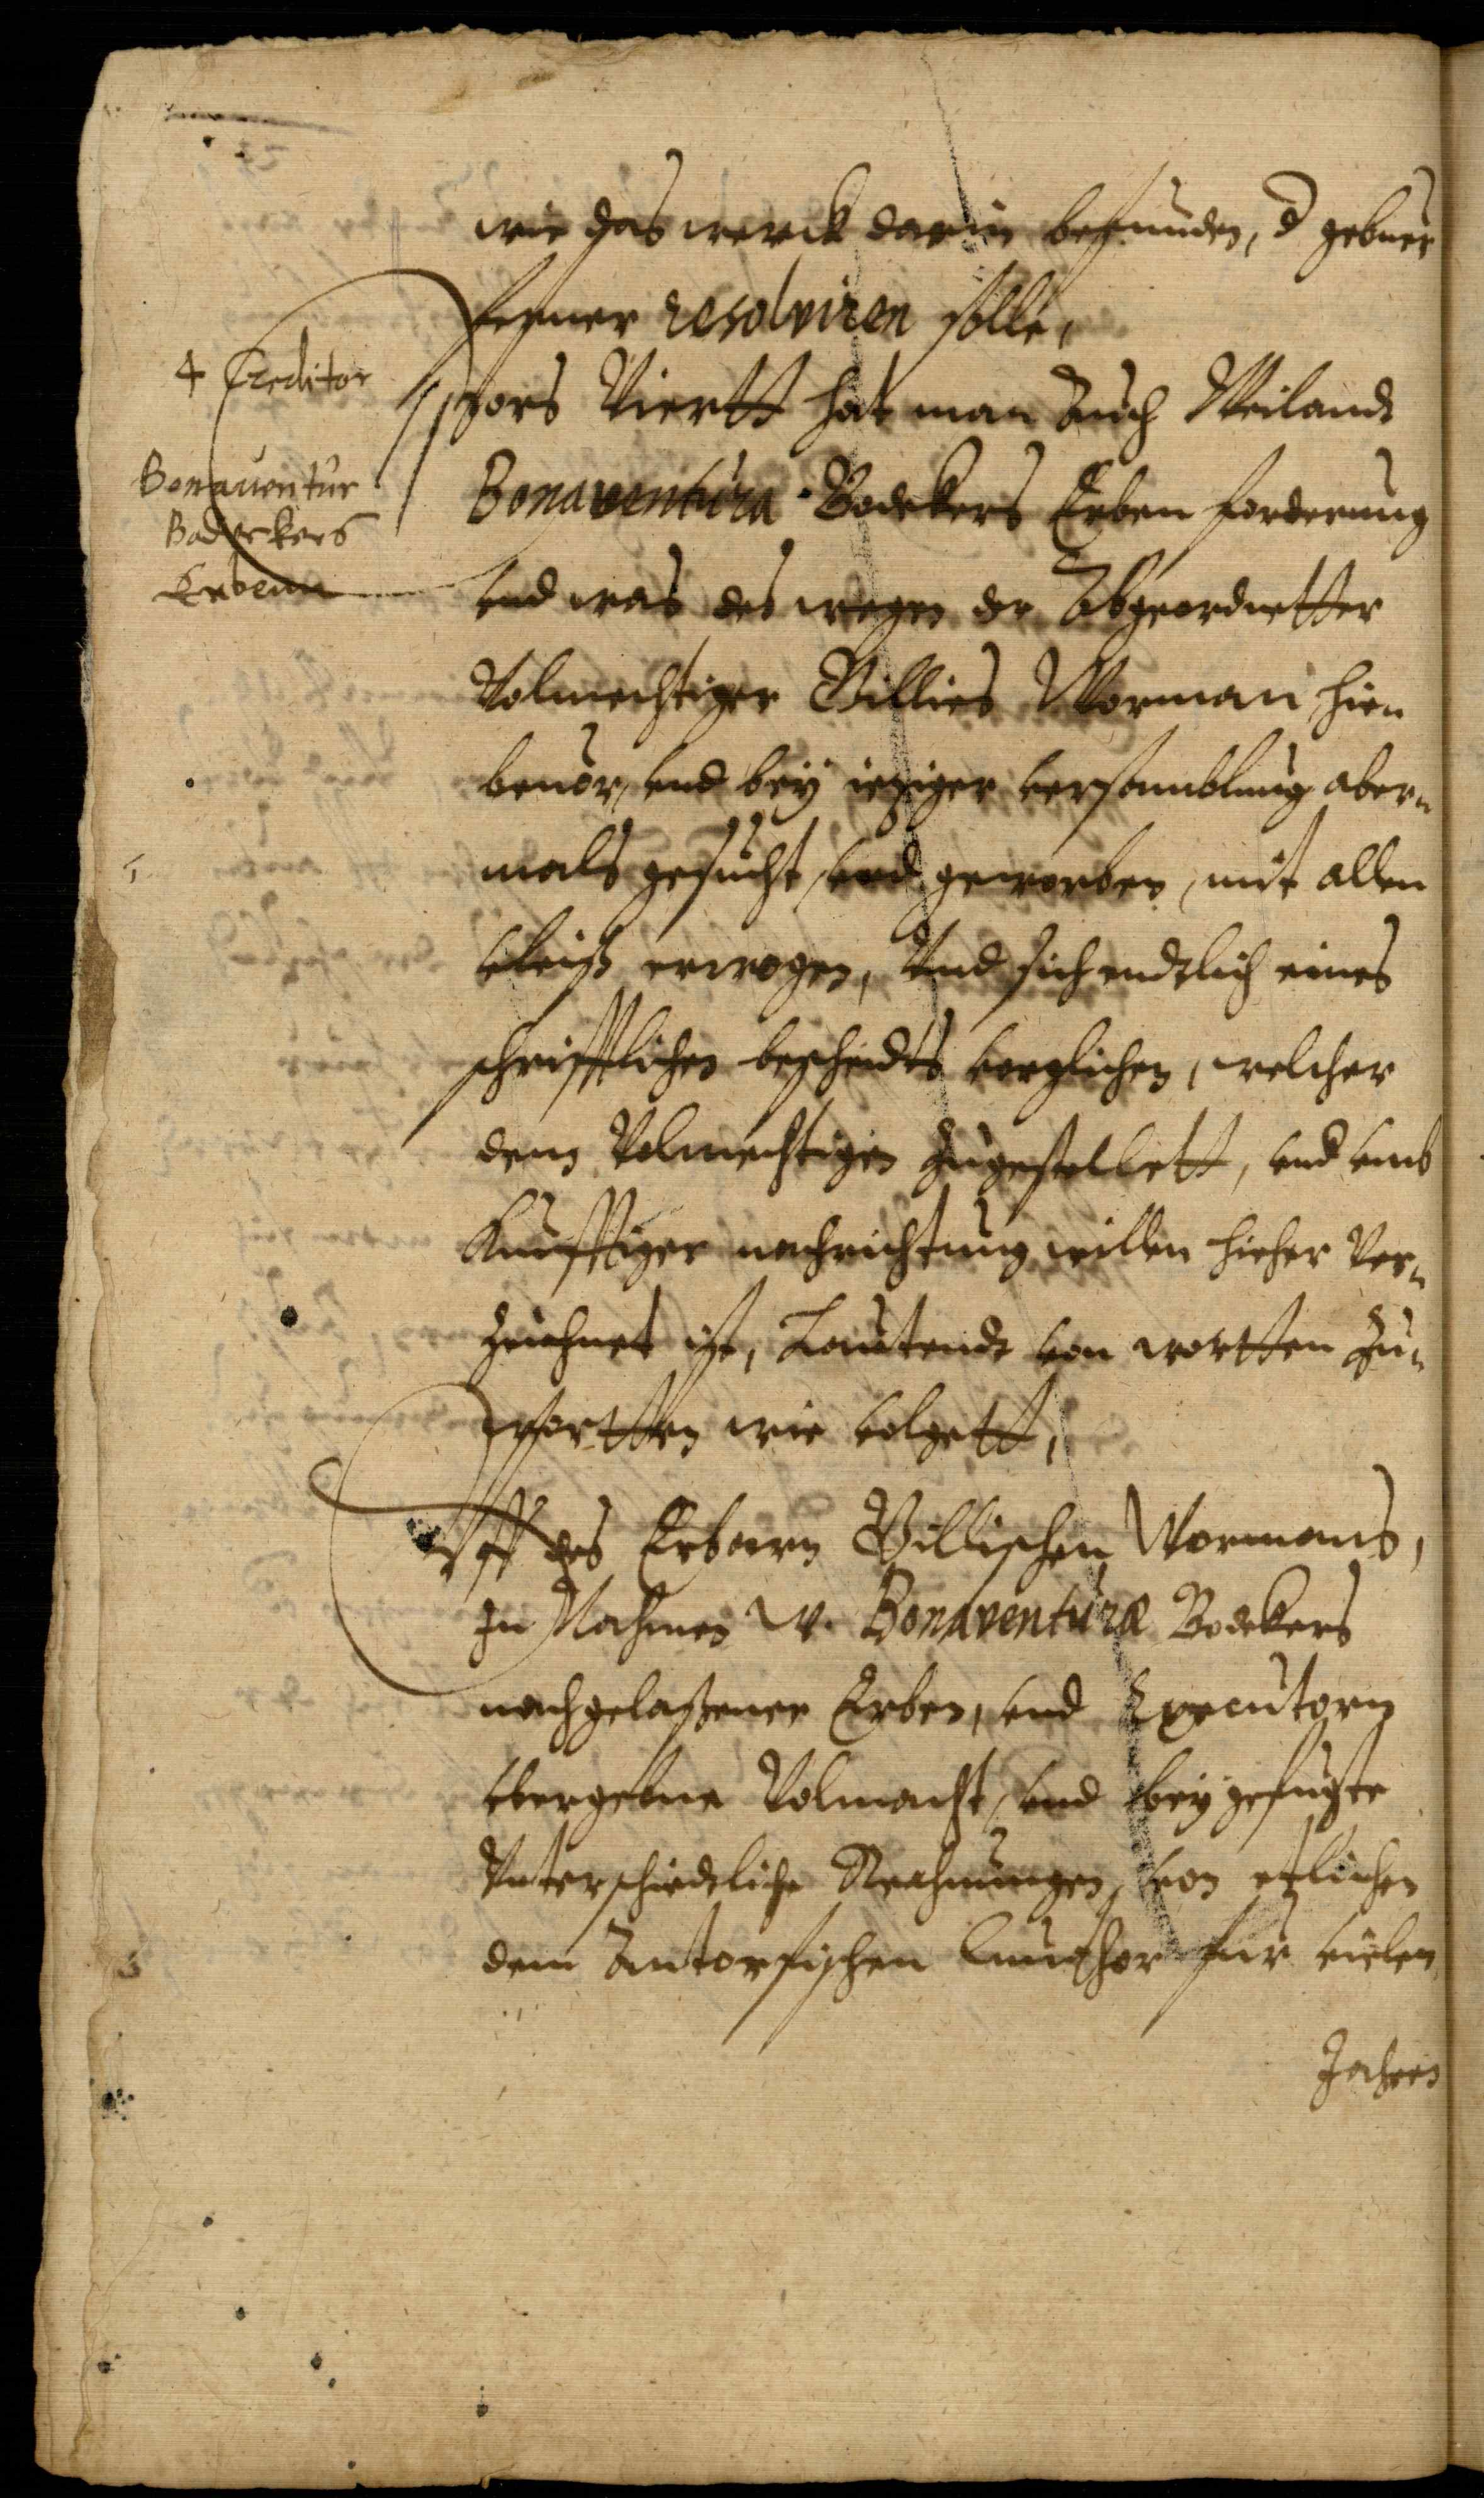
wie das werck darin befunden, der gebuer
ferner resolviren solle,
Vors Viertt hat man Auch Weilandt
Bonaventura Bodekens Erben forderung
vnd was des wegen der Abgeordnetter
Wolmechtiger Gillies Worman, hie¬
beuor vnd beij ieziger vorsamblung aber¬
mals gesucht, vnd geworben, mit allen
vleiß erwogen, vnd sich endtlich eines
schrifftlichen bescheidts vorglichen, welcher
dem Wolmechtigen zugestellett, vnd vmb
kunfftiger nachrichtung willen hierher vor¬
zeichnet ist, lautendt von wortten zu
Wortten wie volgett,
4 Creditor
Bonaventur
Badeckens
Erbenn
Vff des Erbarn Gillischen Wormans,
in Nahmen W. Bonaventurae Bodekens
nachgelaßener Erben, vnd Executorn
vbergebene volmacht, vnd beij gefugte
vnterschiedliche Rechnungen, von etlichen
dem Antorfischen Cunthor fur vielen
Jahren
